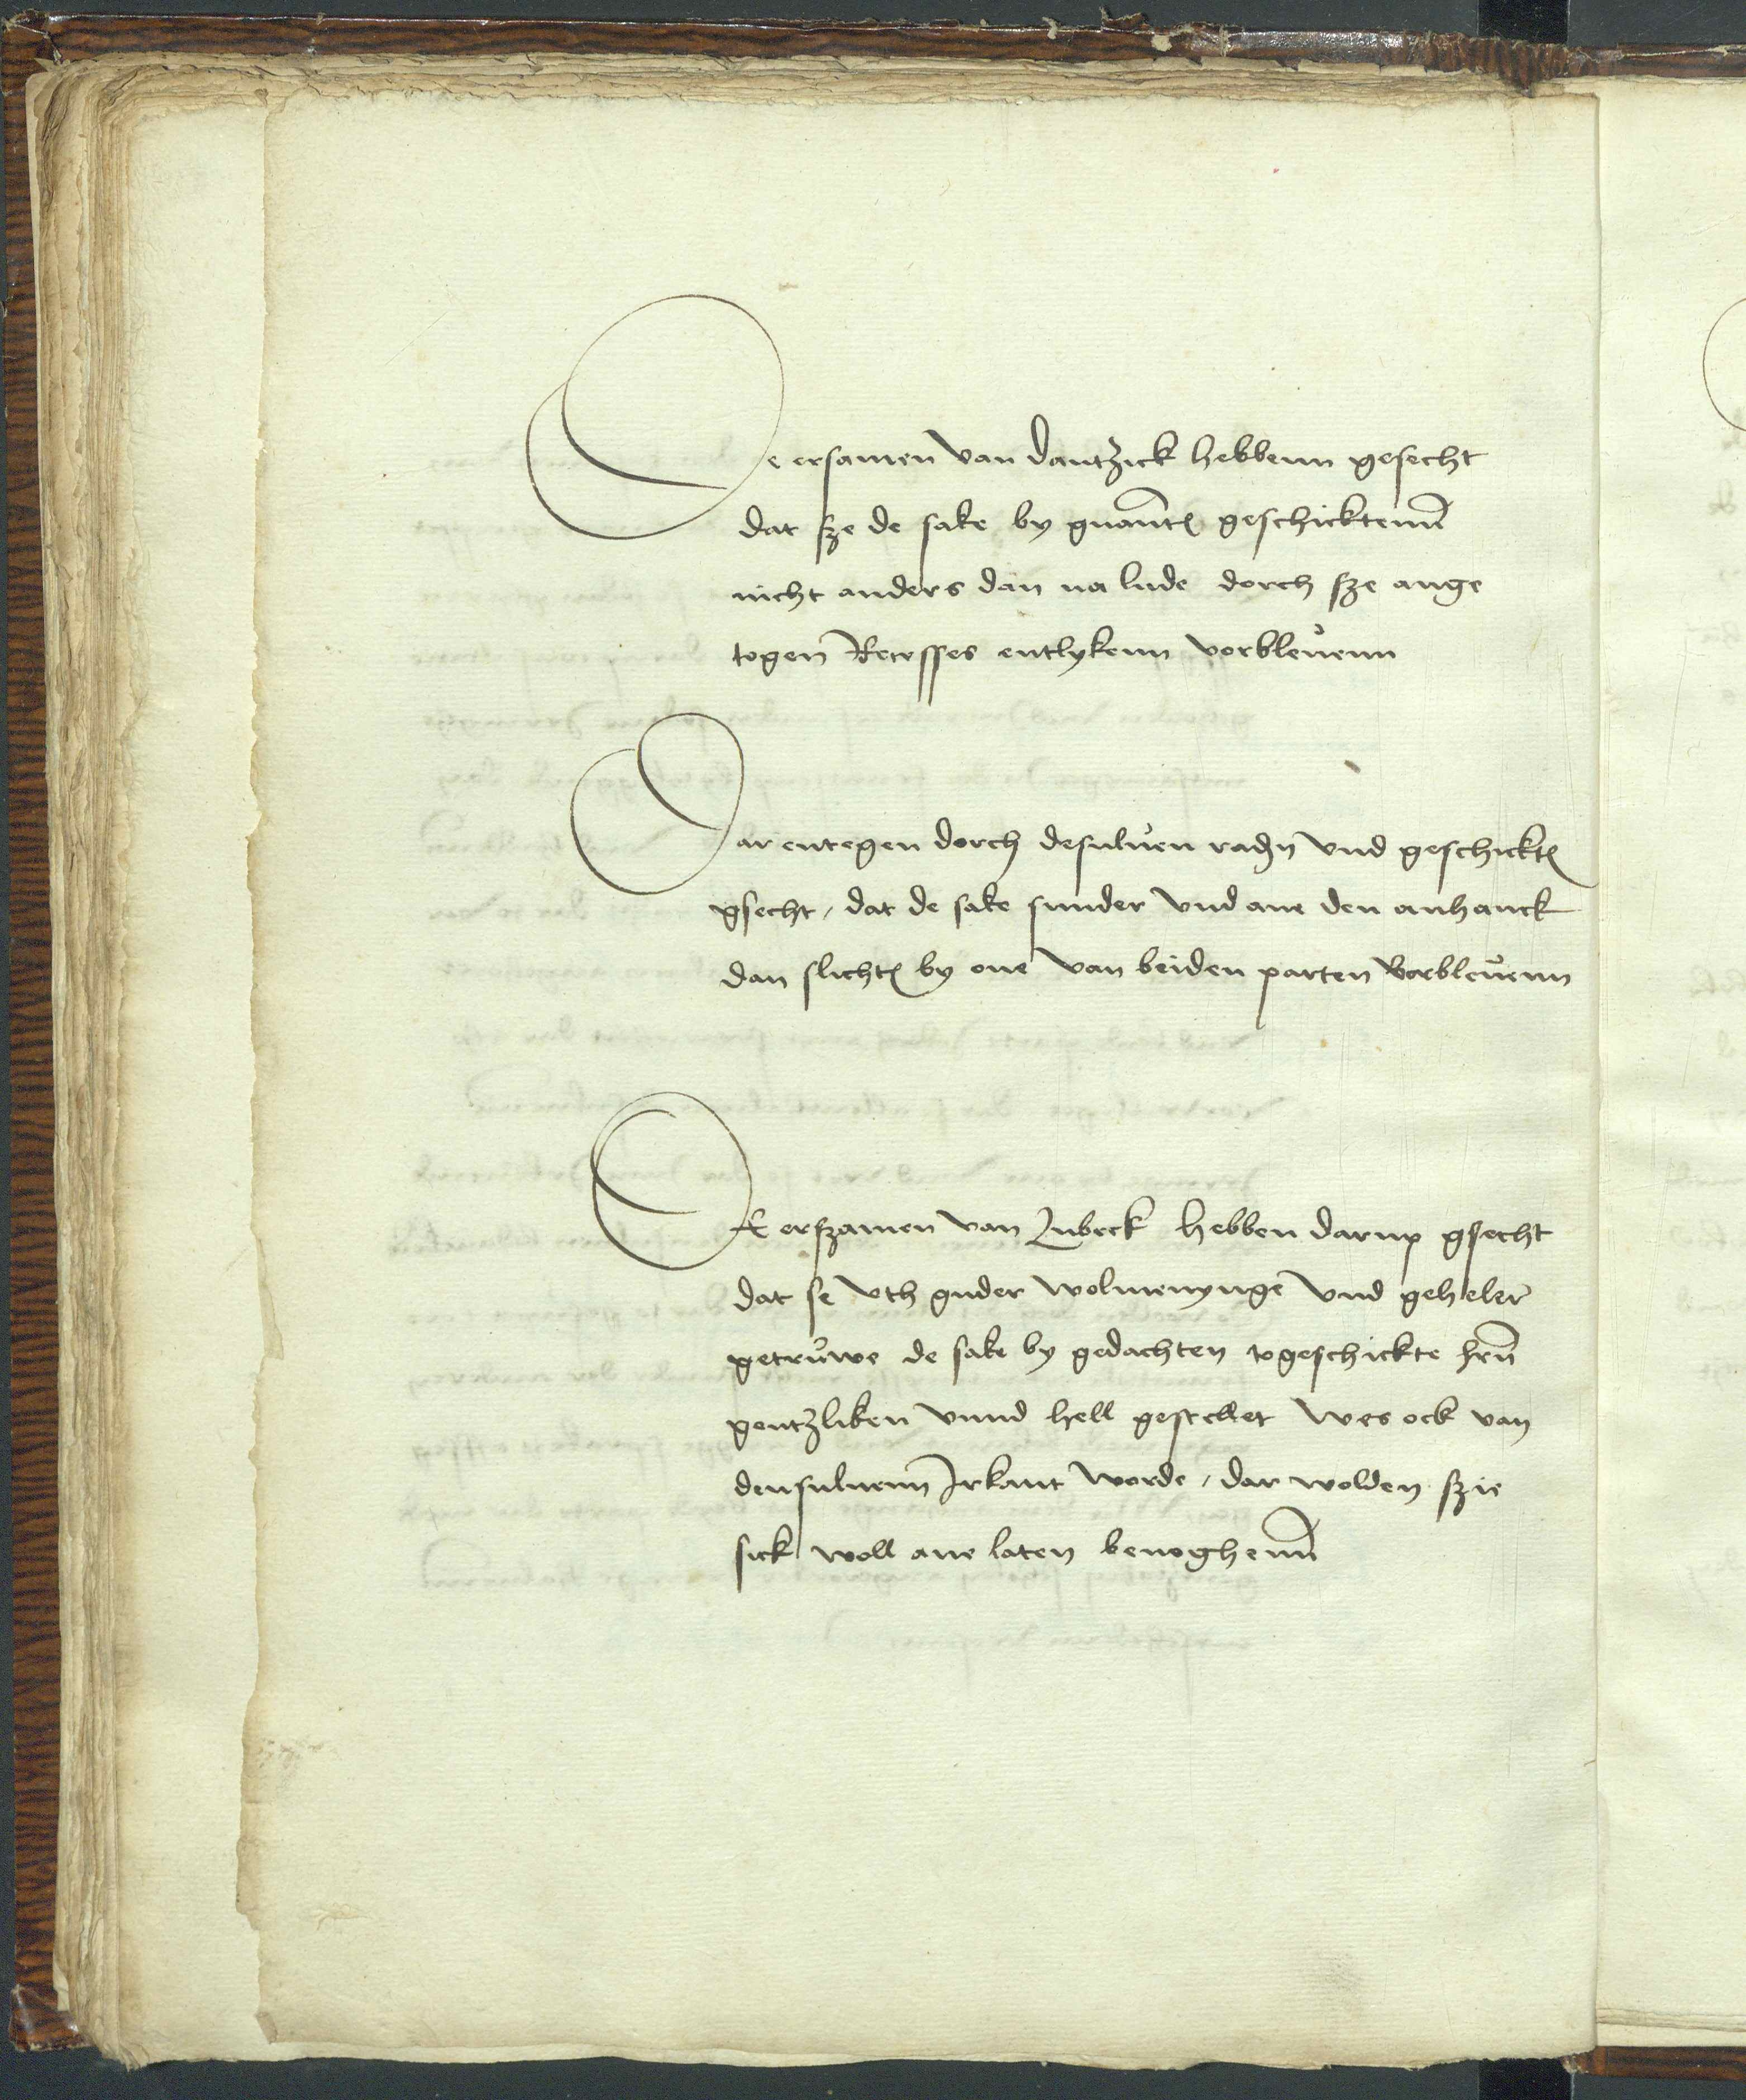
De ersamen van dantzick hebben gesecht
dat sze de sake by gnannten geschicktenn
nicht anderes dan na lude dorch sze ange¬
togen Recesses entlyken vorbleuenn
Dar entegen dorch desuluen radessendebaden vnd geschickten
gsecht, dat de sake sunder vnd ane den anhanck
dan slichten by one van beiden parten vorbleuenn
De erszamen van Lubeck hebben darup gsecht
dat se vth guder wolmenynge vnd geheler
getruwe de sake by gedachten togeschickte hern
gentzlyken vnnd hell gestellet wes ock van
densuluenn Jrkant worde, dar wolden szie
sick woll ane laten beuoghenn
